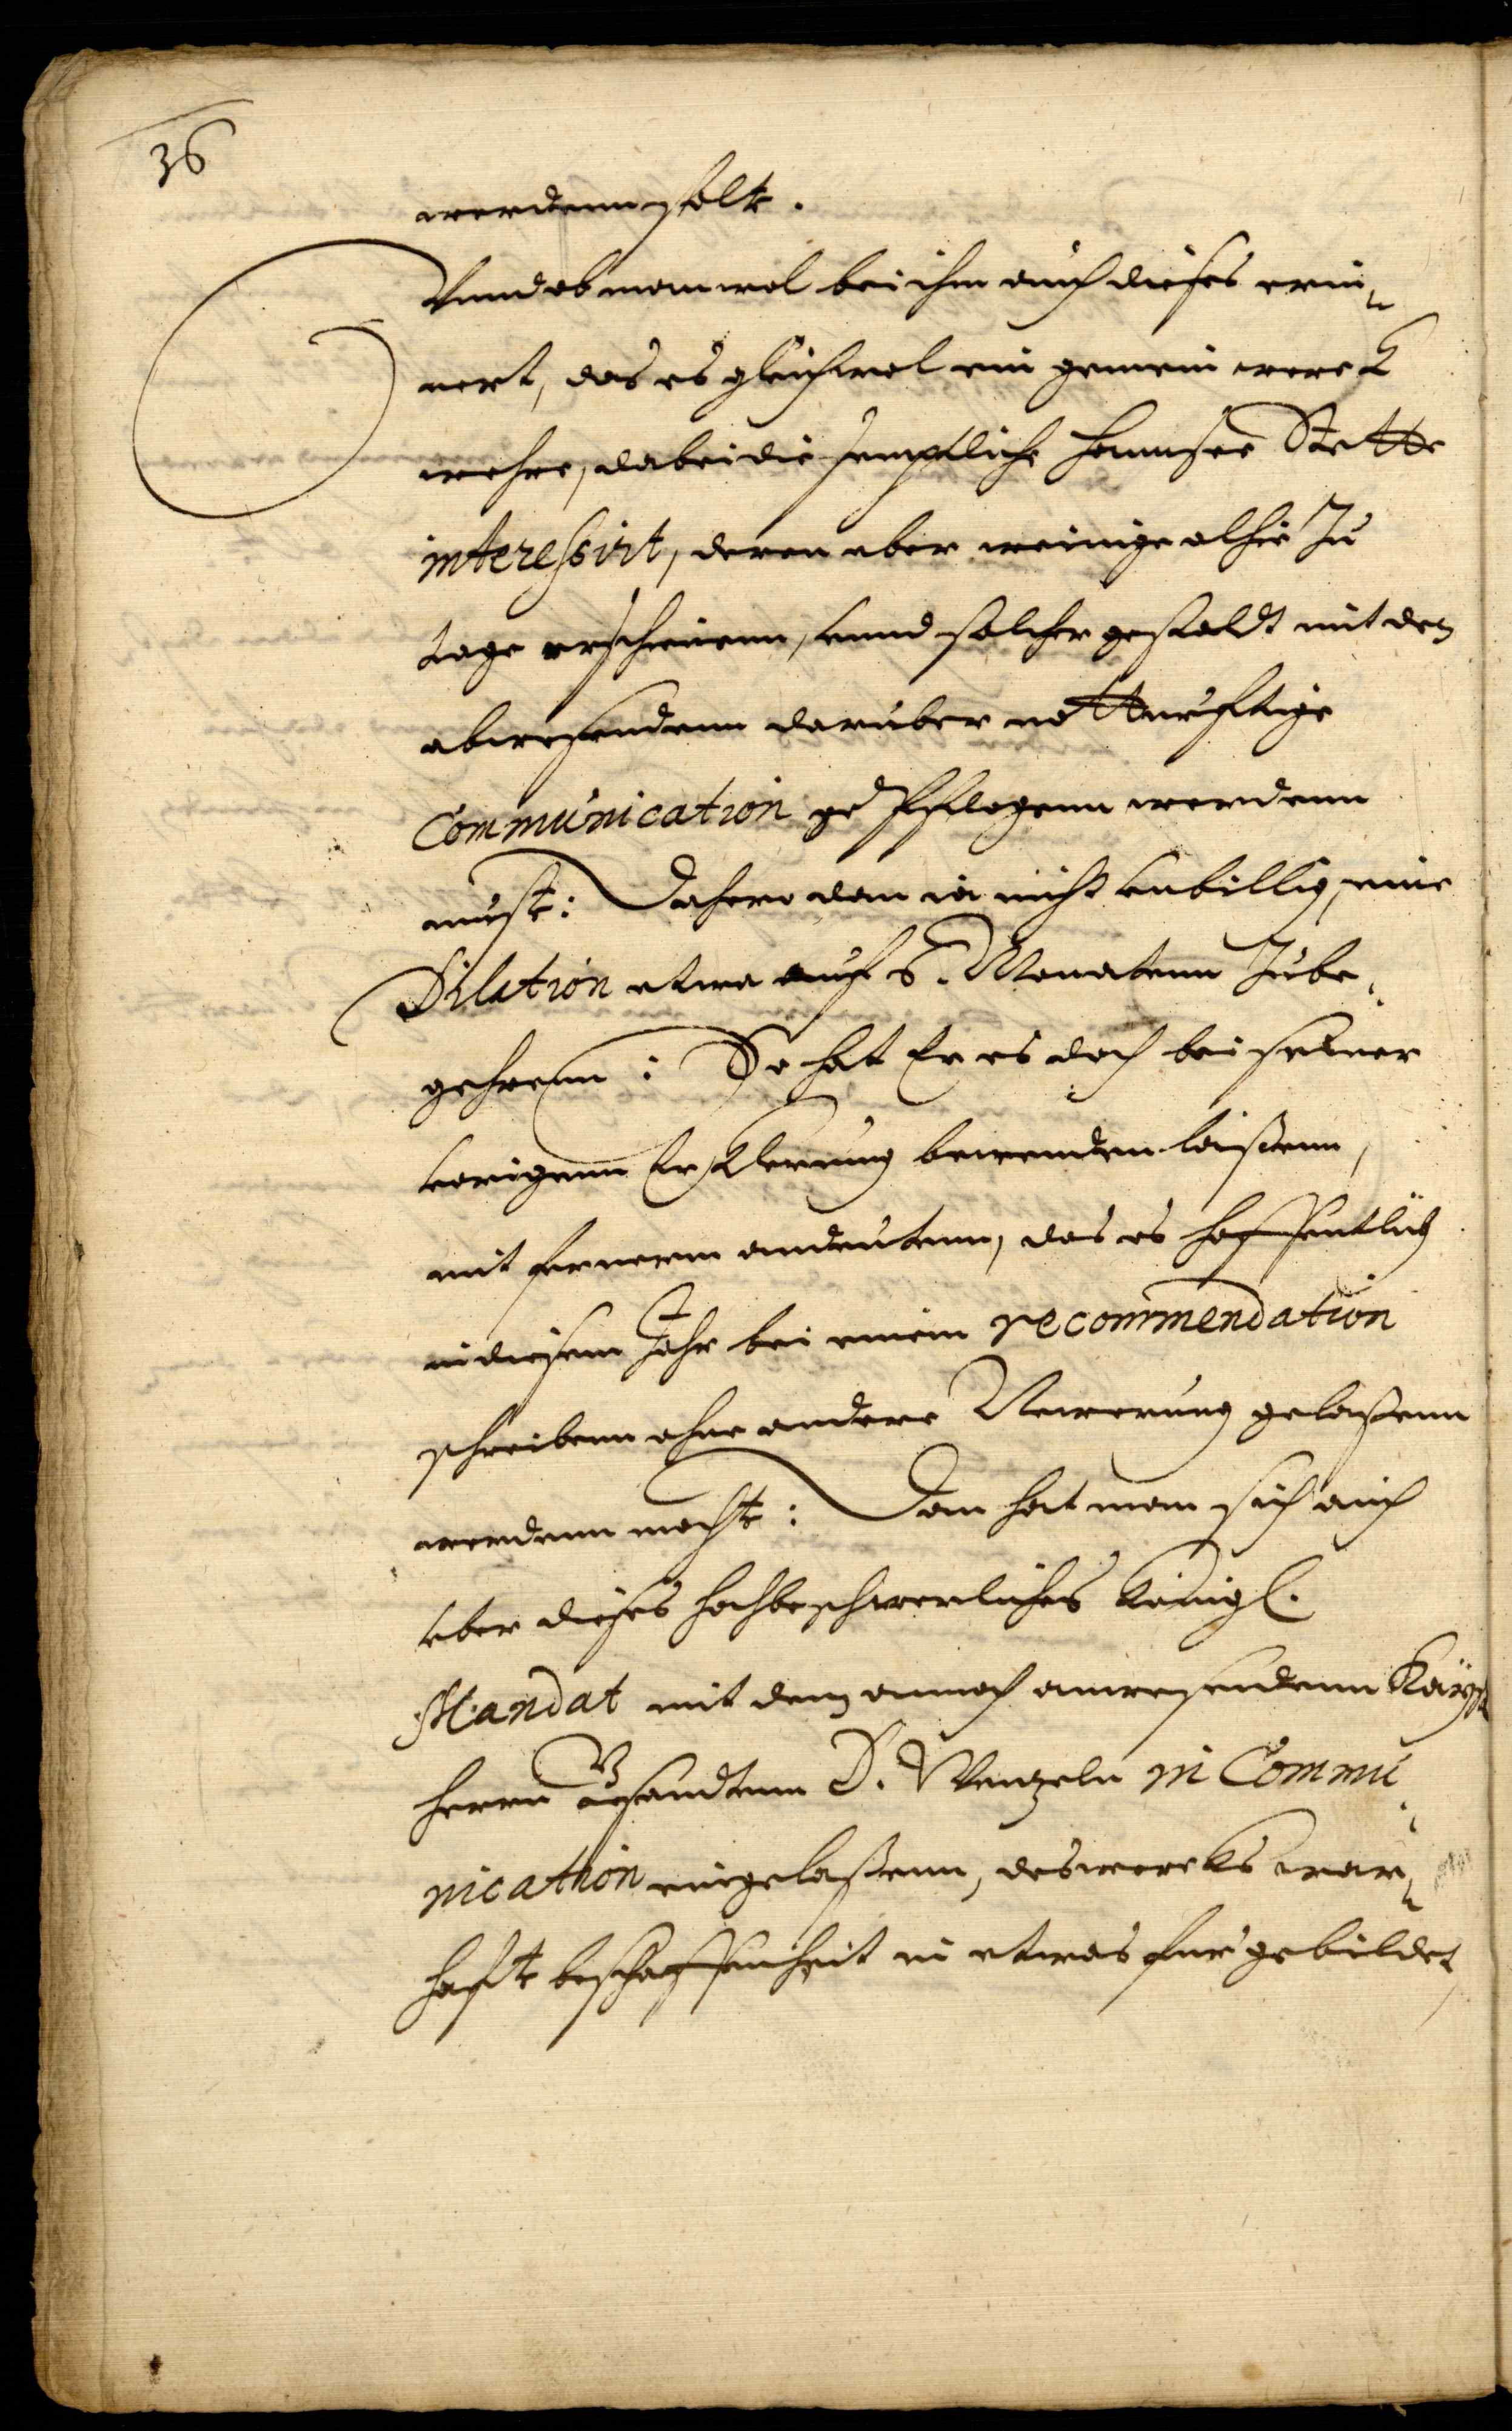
36
werdenn solte.
Vnnd ob man wol bei ihm auch dieses erin¬
nert, das es gleichwol ein gemein werck
wehre, dabei die semptliche hannsee Stette
interessirt, deren aber weinige alhir zu
tage erschienenn, vnnd solcher gestaldt mit den
abwesendenn daruber notturftige
communication gepflogenn werdenn
muste: Dahero dan in nicht vnbillig, nur
Dilation etwa auf 6. Monatenn zube¬
gehrenn: So hat Er es doch bei seiner
vorigenn Erklerung bewenden laßenn,
mit fernerm andeutenn, das es hoffentlich
in diesem Jahr bei einem recommendation
schreibenn ohne andere Newerung gelaßenn
werdenn mochte: Dan hat man sich auch
vber dieses hochbeschwerliches Königl.
Mandat mit dem annoch anwesendenn Kaijs:
herrn Gesandtenn S. Wenzeln in Commu¬
nication eingelaßenn, des wercks war¬
hafte beschaffenheit in etwas furgebildet,
